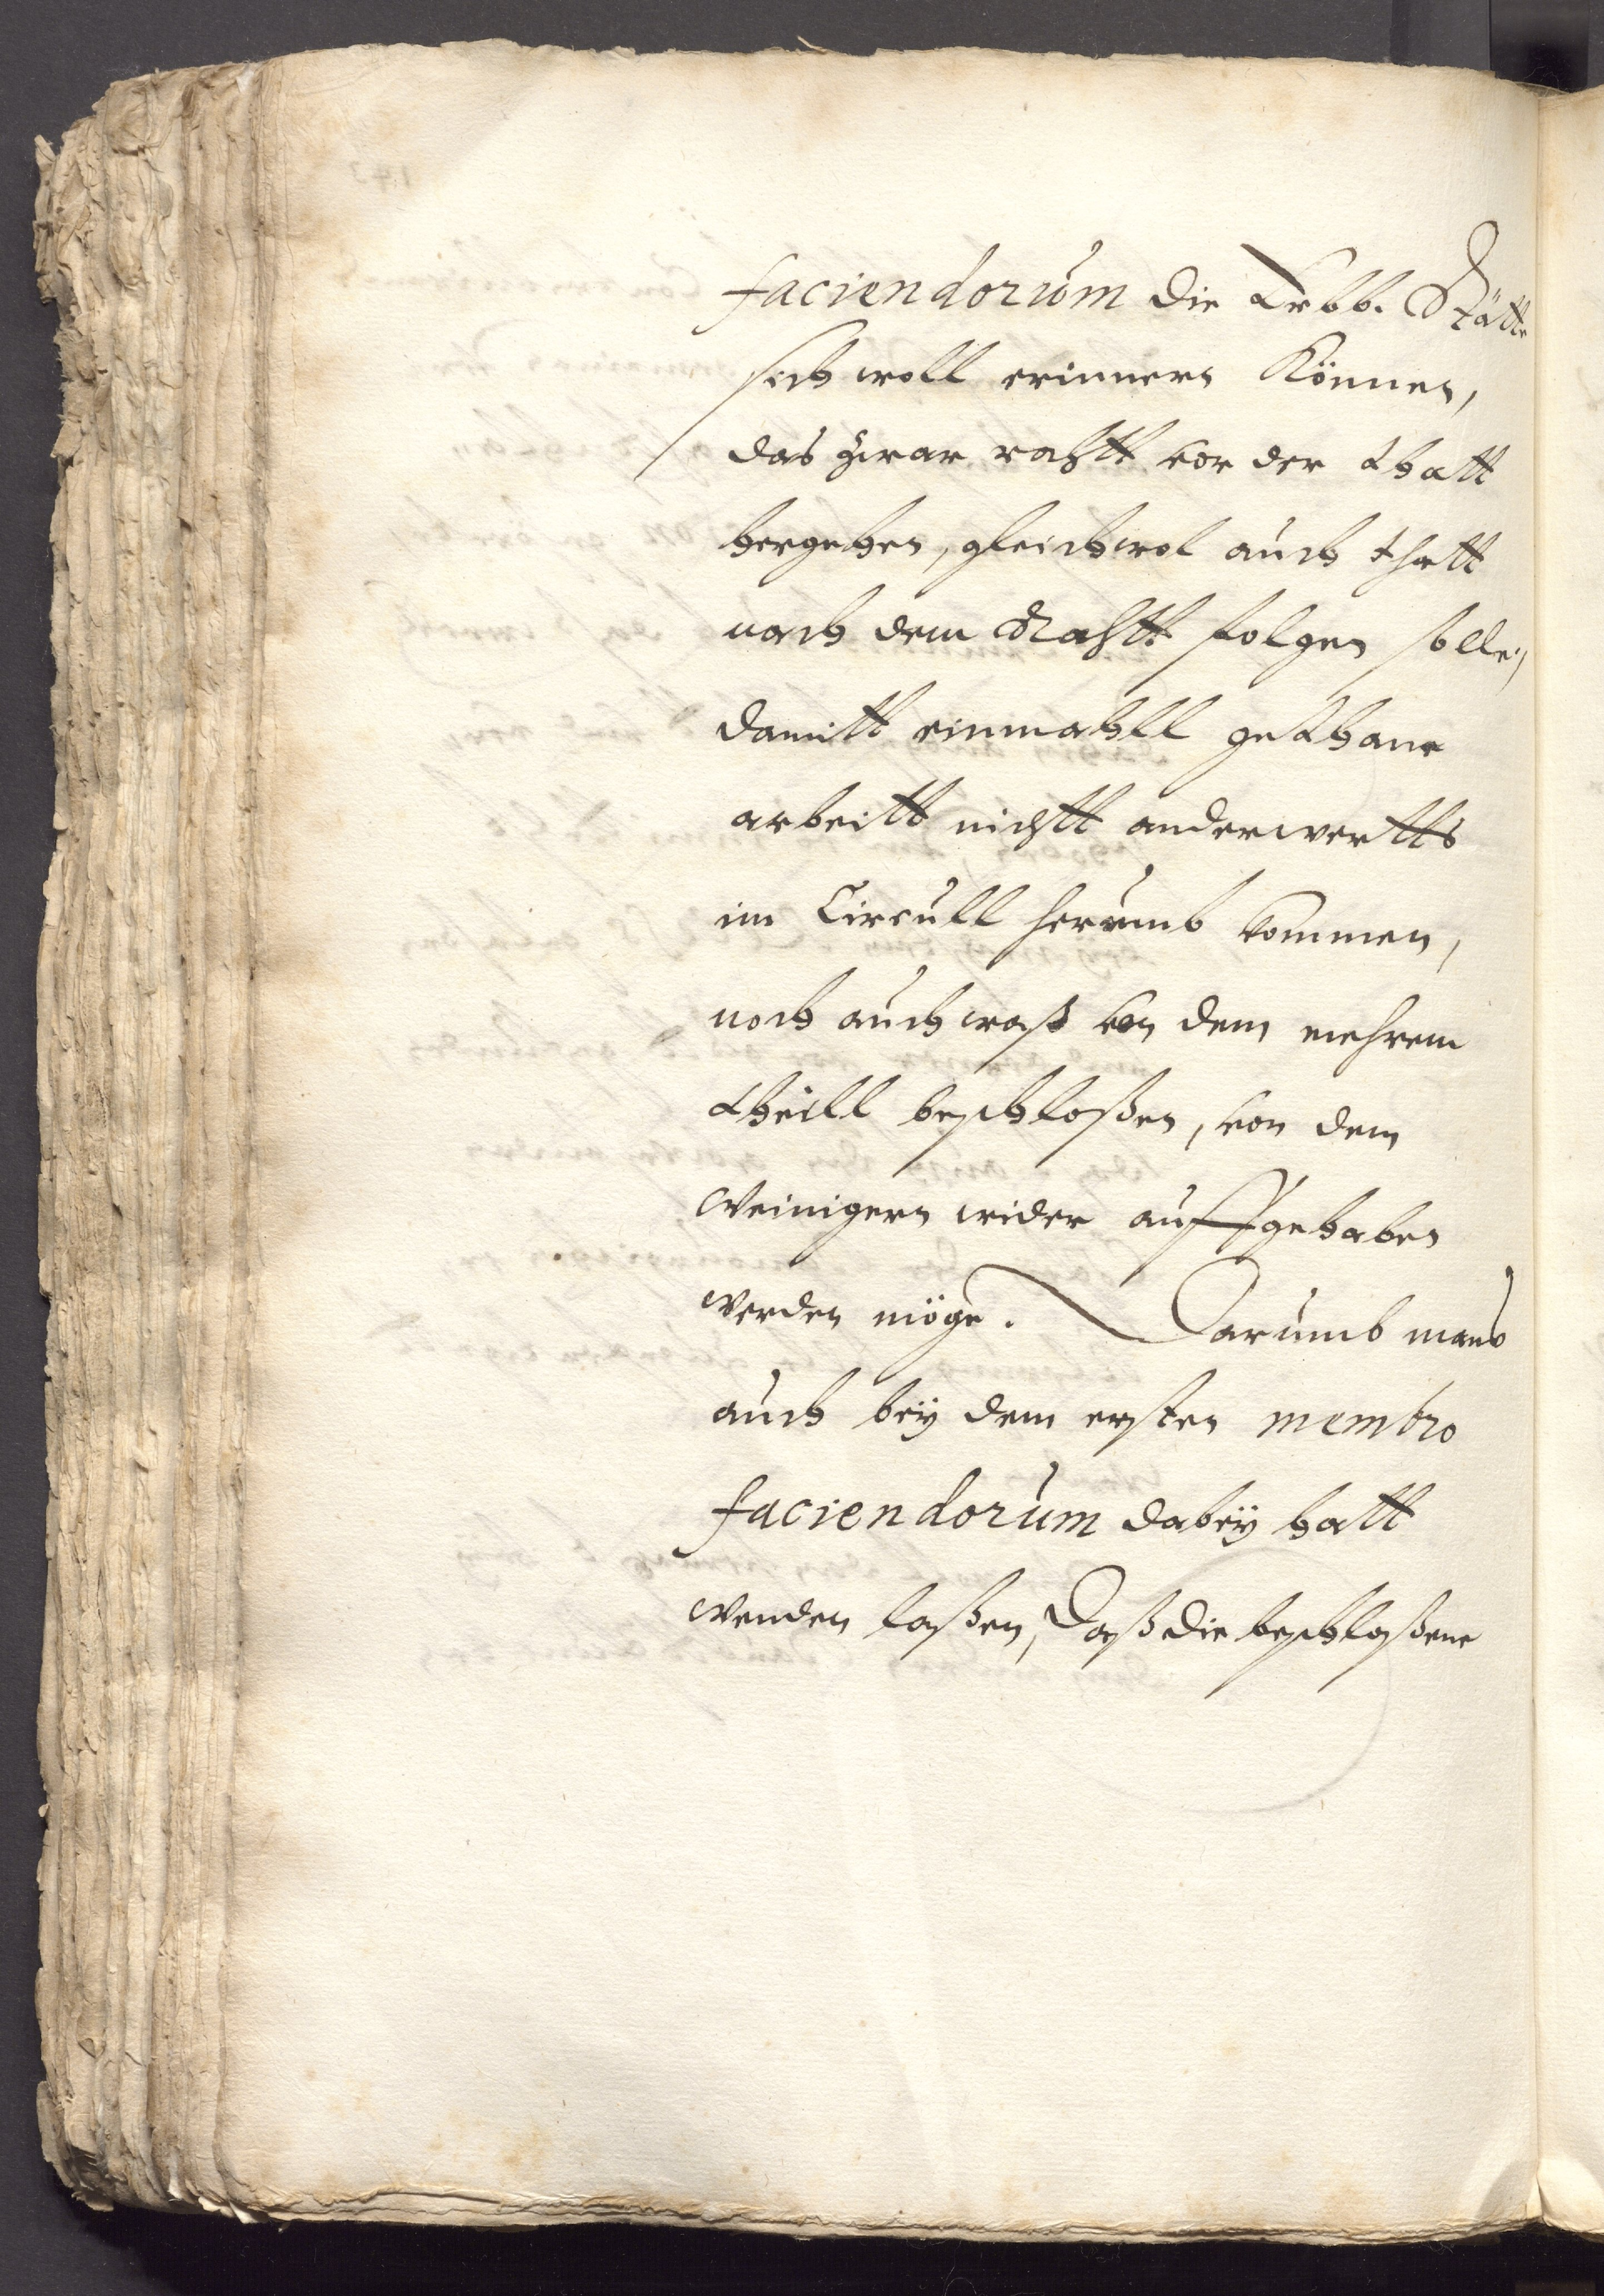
faciendorum die Erbb. Stätte
sich woll erinnern können,
das zwar rahtt vor der thatt
hergehen, gleichwol auch thatt
nach dem Rahtt folgen solle,
damitt einmahll gethane
arbeitt nichtt anderwertts
im Circull herumb kommen,
noch auch waß von dem mehrem
theill beschloßen, von dem
weinigern wieder auffgehaben
werden möge. Darumb mans
auch beij dem ersten membro
faciendorum dabeij hatt
wenden laßen, daß die beschloßene
